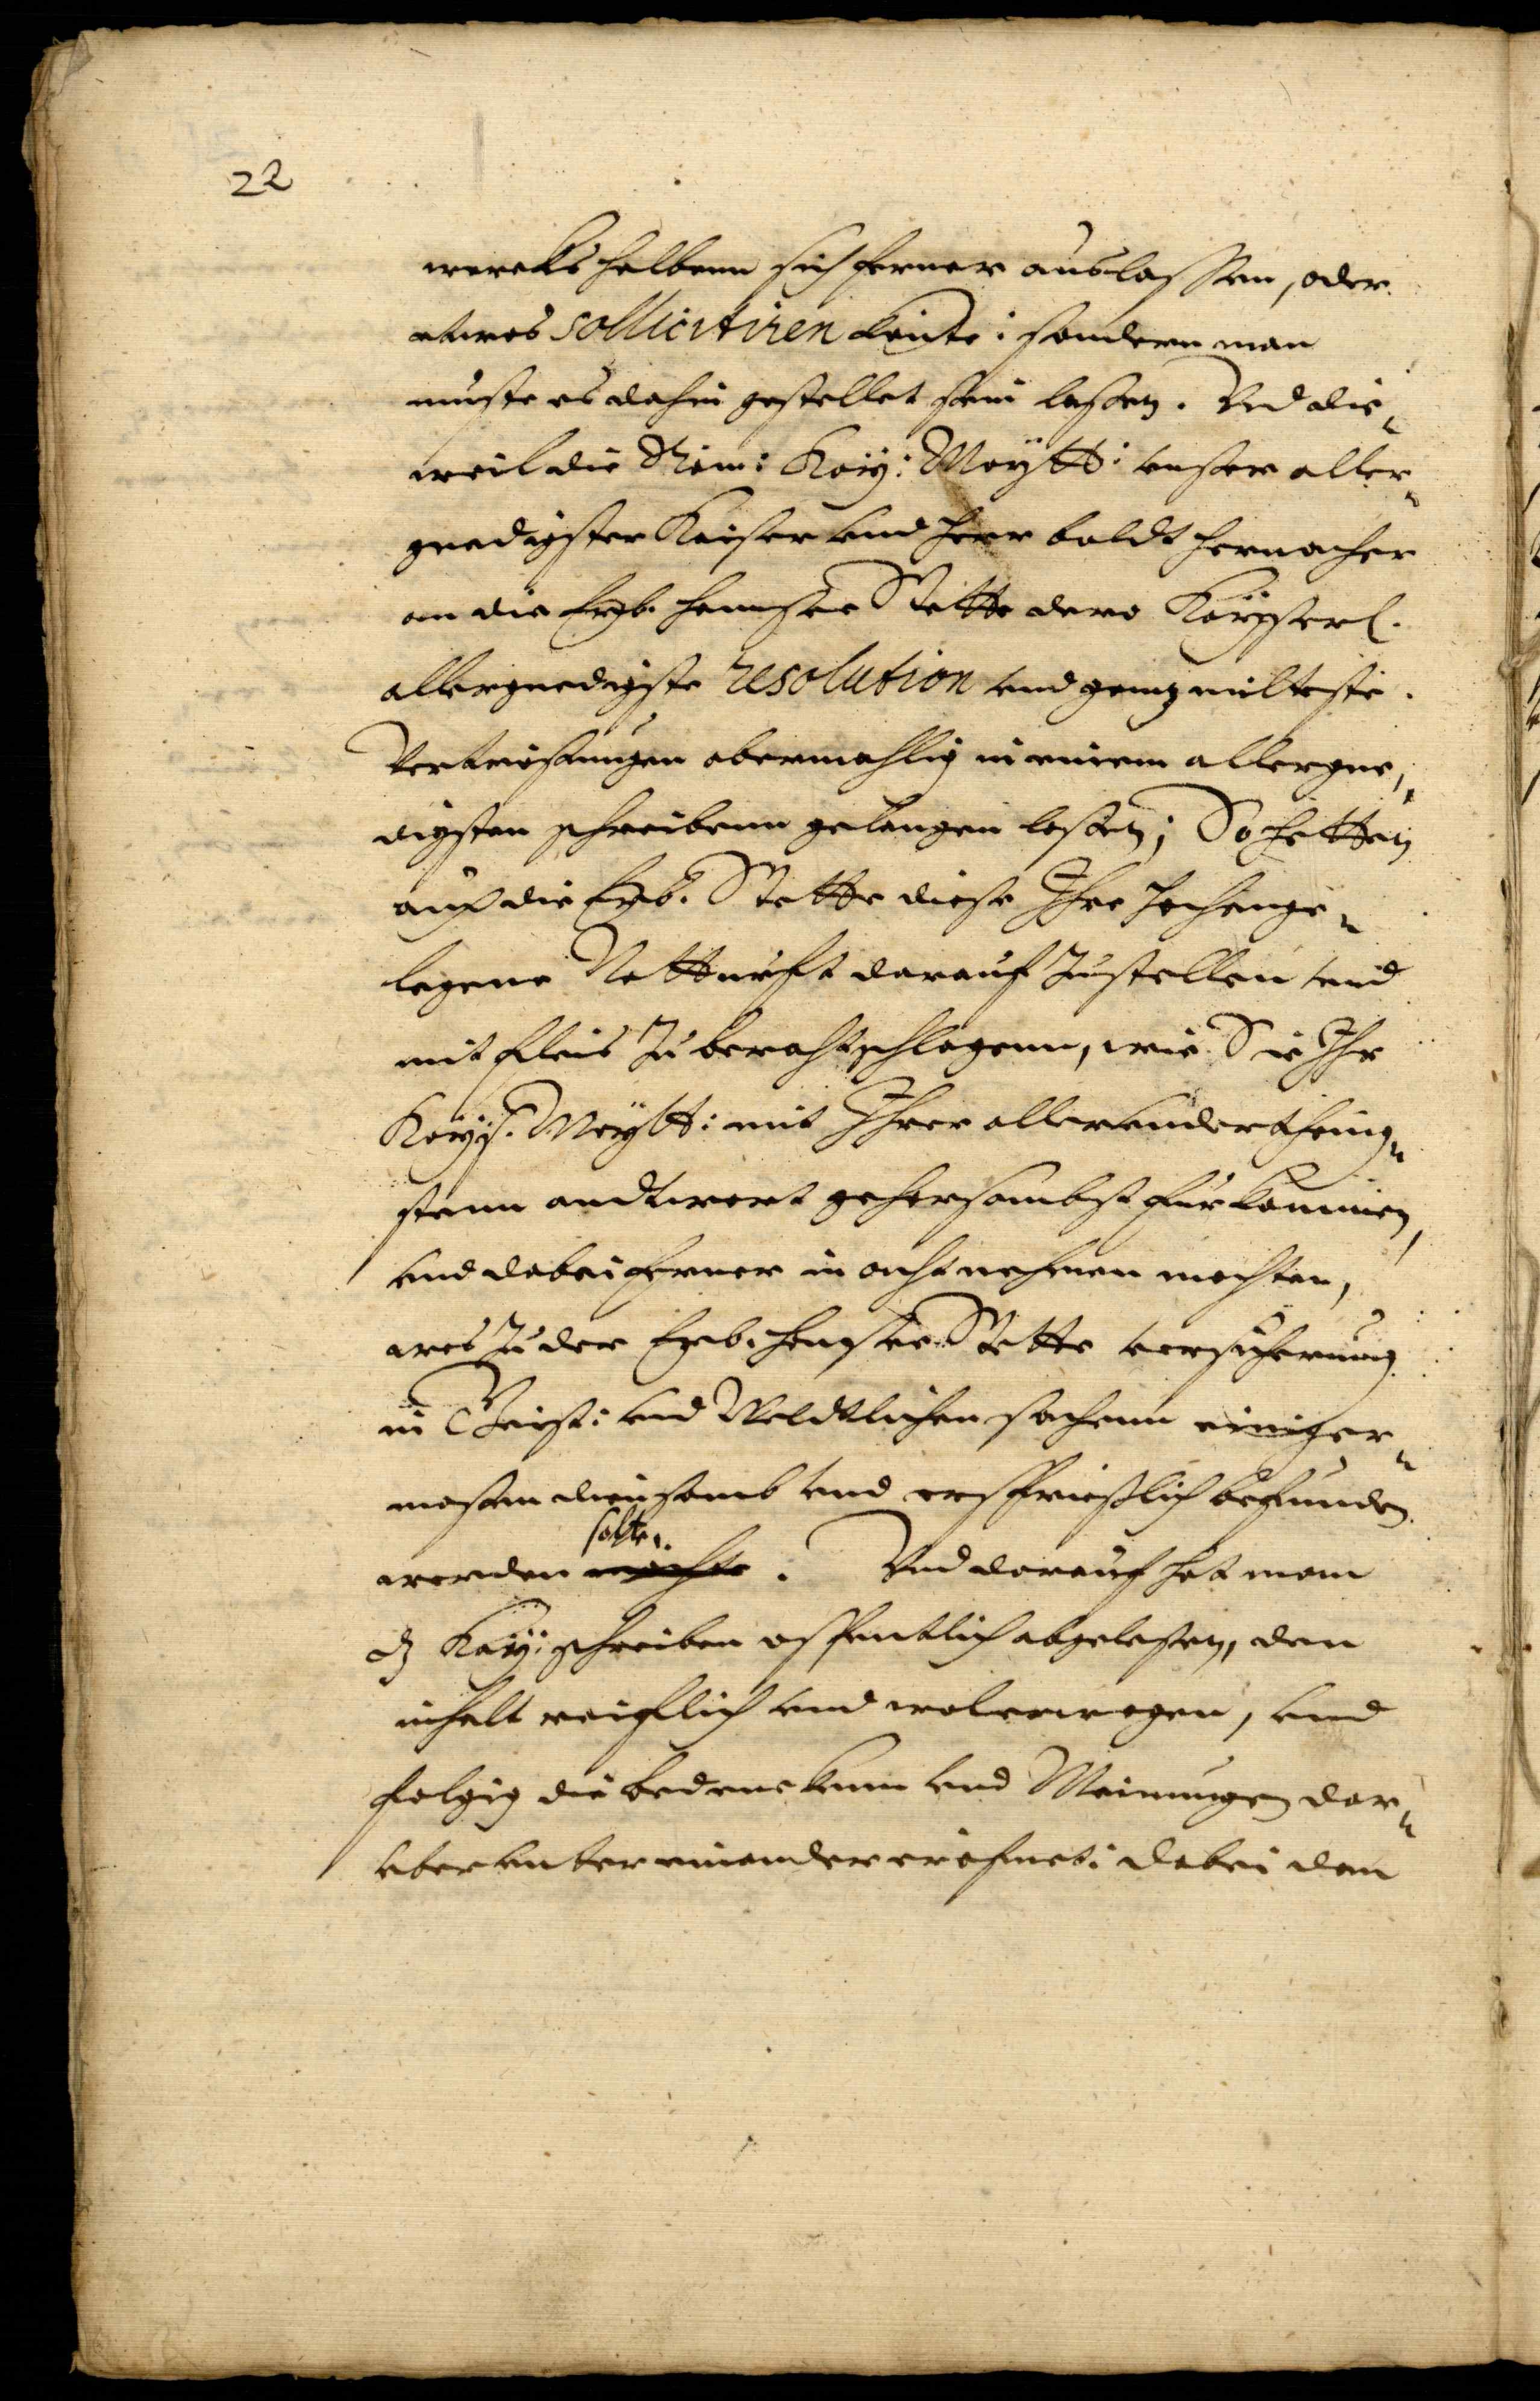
22
wercks halbenn sich ferner auslassen, oder
etwas sollicitiren könte: sondern man
muste es dahin gestellet sein lassen. Vnd die,
weil die Röm: Kaij: Maijtt: vnser aller¬
gnadigster Kaiser vnd herr baldt hernacher
an die Erb. hansee Stette dero Kaijserl.
allergnedigste resulotion vnd ganz milteste.
Vertröstungen abermahlig in einen allergne¬
digsten schreiben gelangen lassen; So hatten
auch die Erb. Stette diese Ihre hochange¬
legene Notturft darauf zustellen vnd
mit fleis zu berahtschlagenn, wie Sie Ihr
Kaijs. Maijtt: mit Ihrer allervnderthenig¬
stenn andtwort gehorsambst furkommen,
vnd dabei ferner in acht nehmen mochten,
was zu der Erb. hansee Stette versicherung
in Geist: und Weldtlichen sachenn einiger¬
maßen diensamb vnd ersprießlich befunden
solte
werden mochte. Vnd darauf hat man
den Kaij. schreiben offentlich abgelesen, den
inhalt reiflich vnd wolerwogen, vnd
folgig die bedenckenn vnd Meinungen dar¬
vber vnter einander eröfnet: dabei dan
